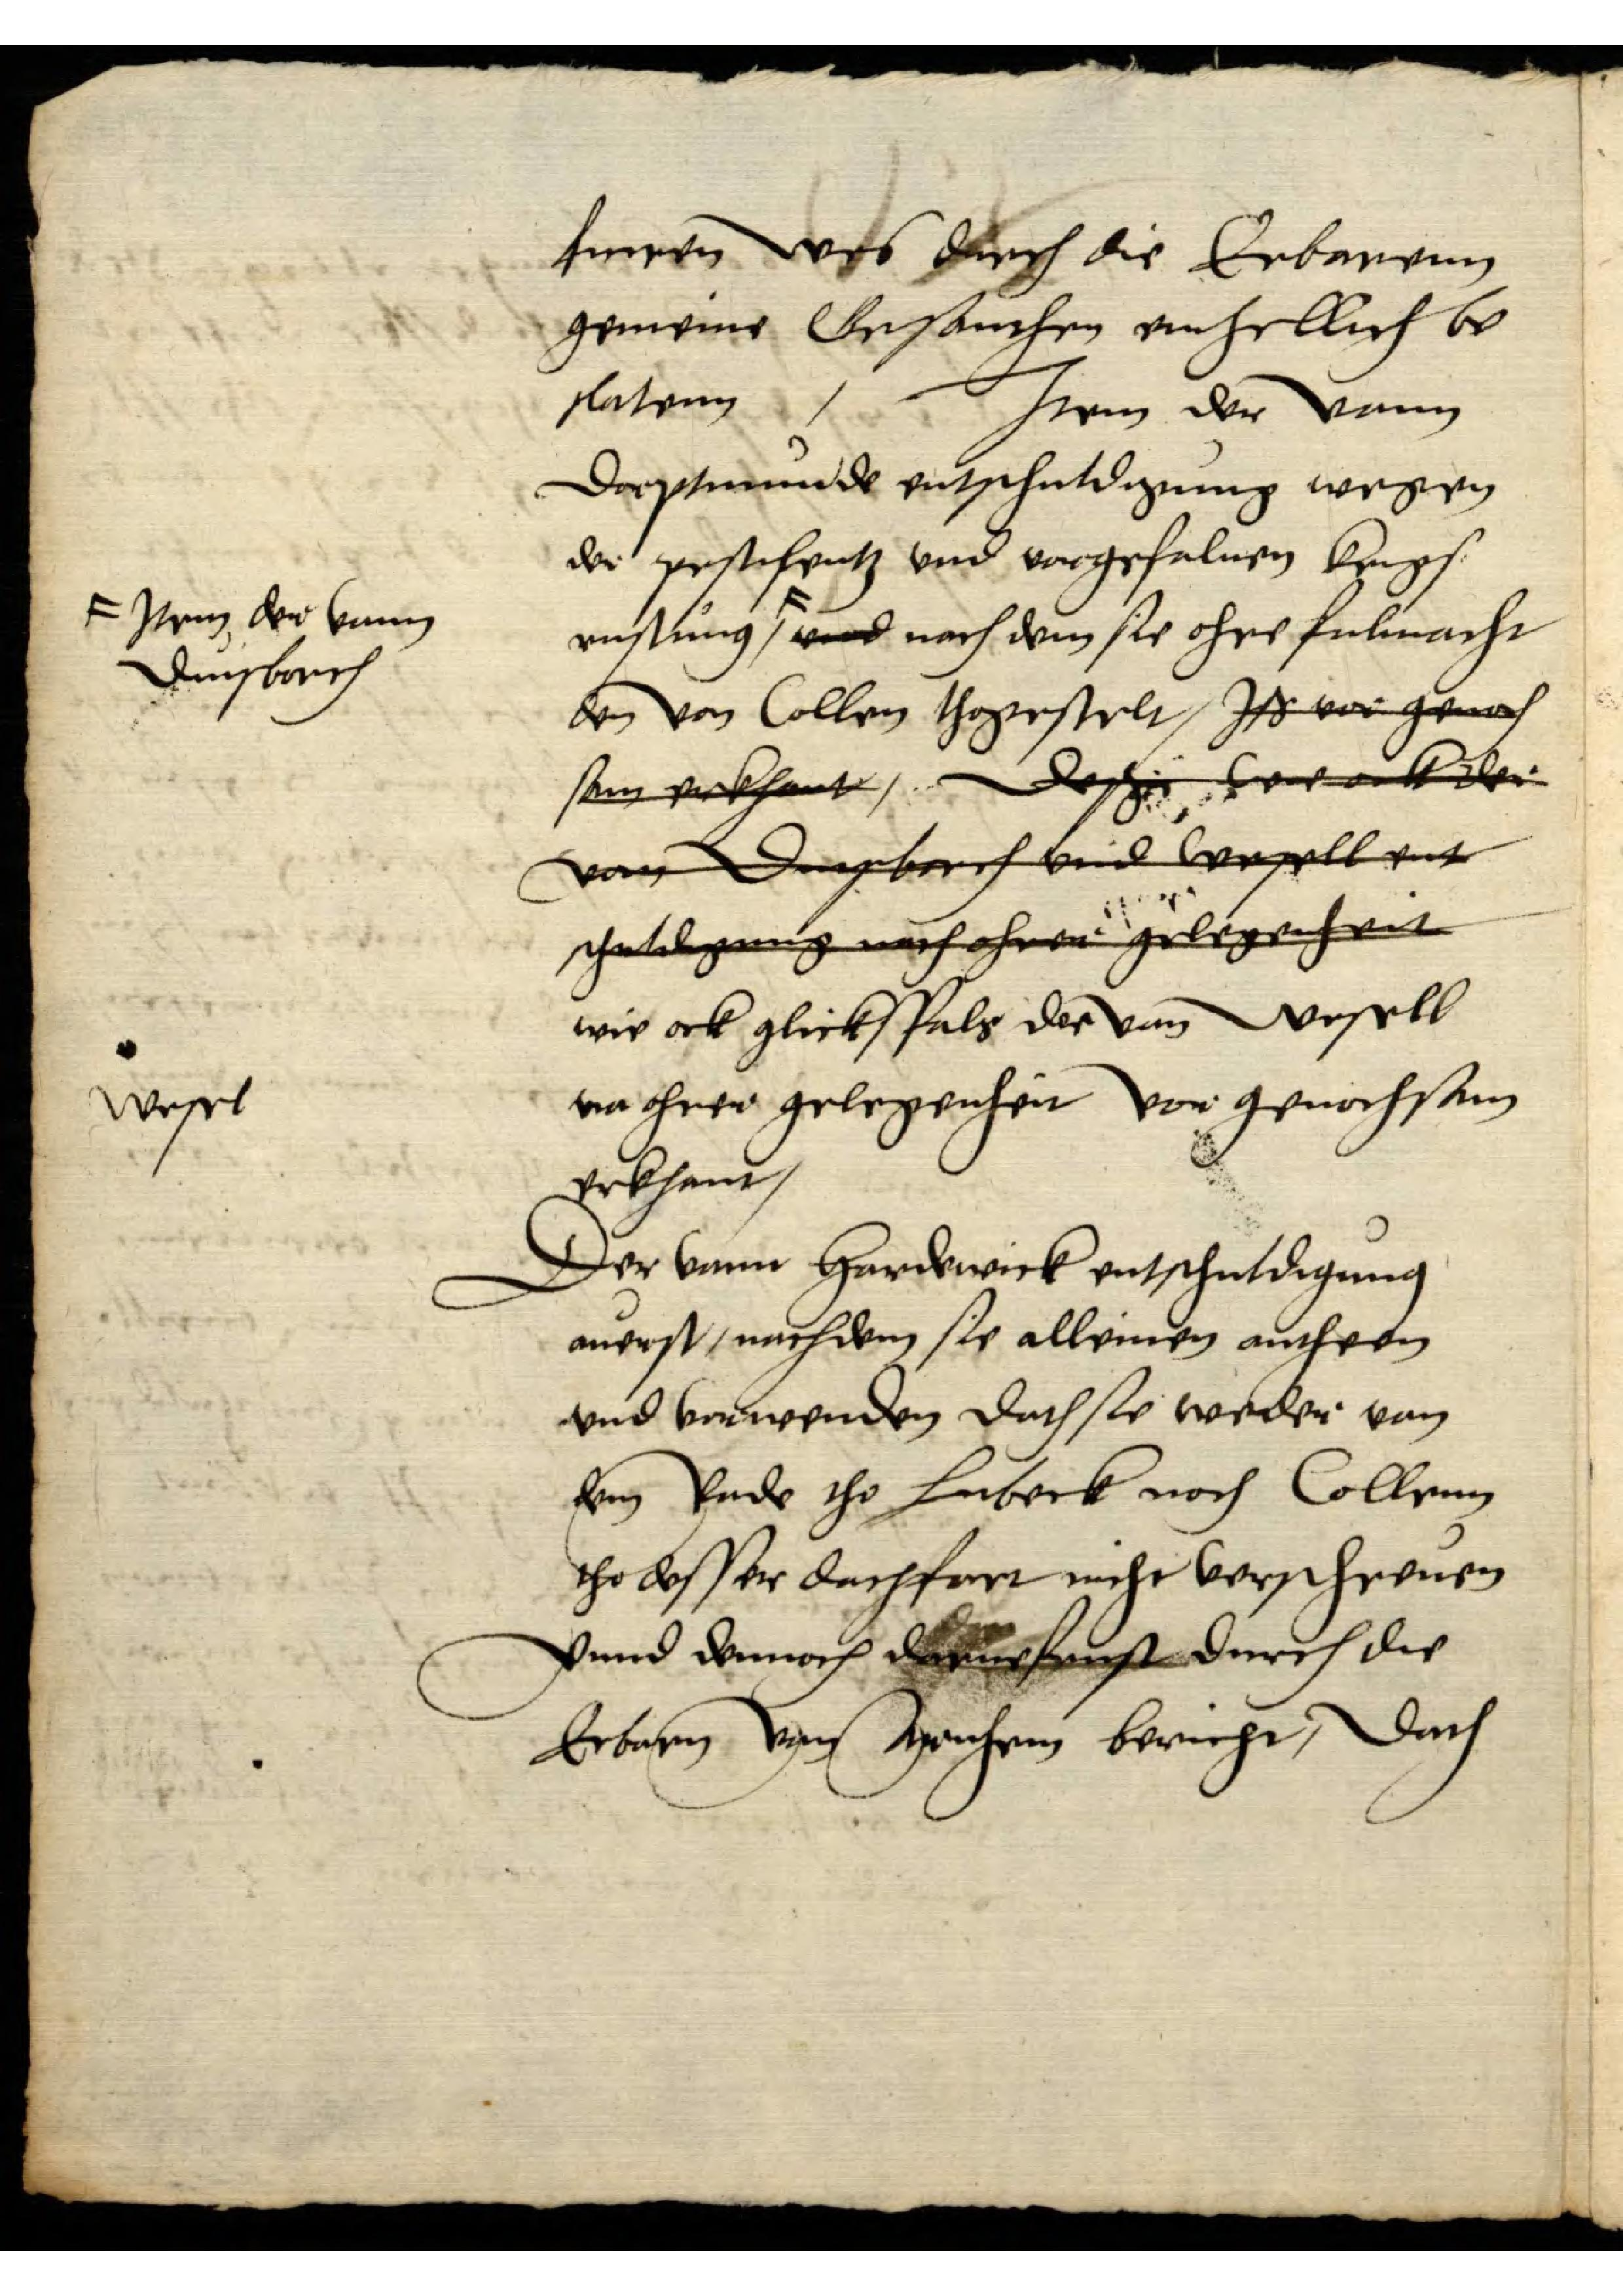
ficiren wes durch die Erbarenn
gemeine Gesanthen einhellich be
slatenn, Item der vann
Dorpmunde entschuldigung wegen
der pestilentz vnd vorgefalnen Krigs
rustung, F vnd nach dem sie ohne fulmacht
den van Collen thogestelt, Iß vor genoch
sam erkhant, deßen wie ock die
van Duisborch vnd Wesell ent
schuldigung nach ohren gelegenheit
wie ock glicksfals der van Wesell
na ohrer gelegenheit vor genochsam
erkhant,
Der vann Hardewick entschuldigung
auerst, nachdem sie alleinen antheen
vnd vorwenden dath se weder van
dem Rade tho Lubeck noch Collenn
tho desser dachfart mehr verschreuen
Vnnd dennoch darnefenst durch die
Erbarn van Arnhem bericht, dath
F Item der vann
Duisborch
Wesel
